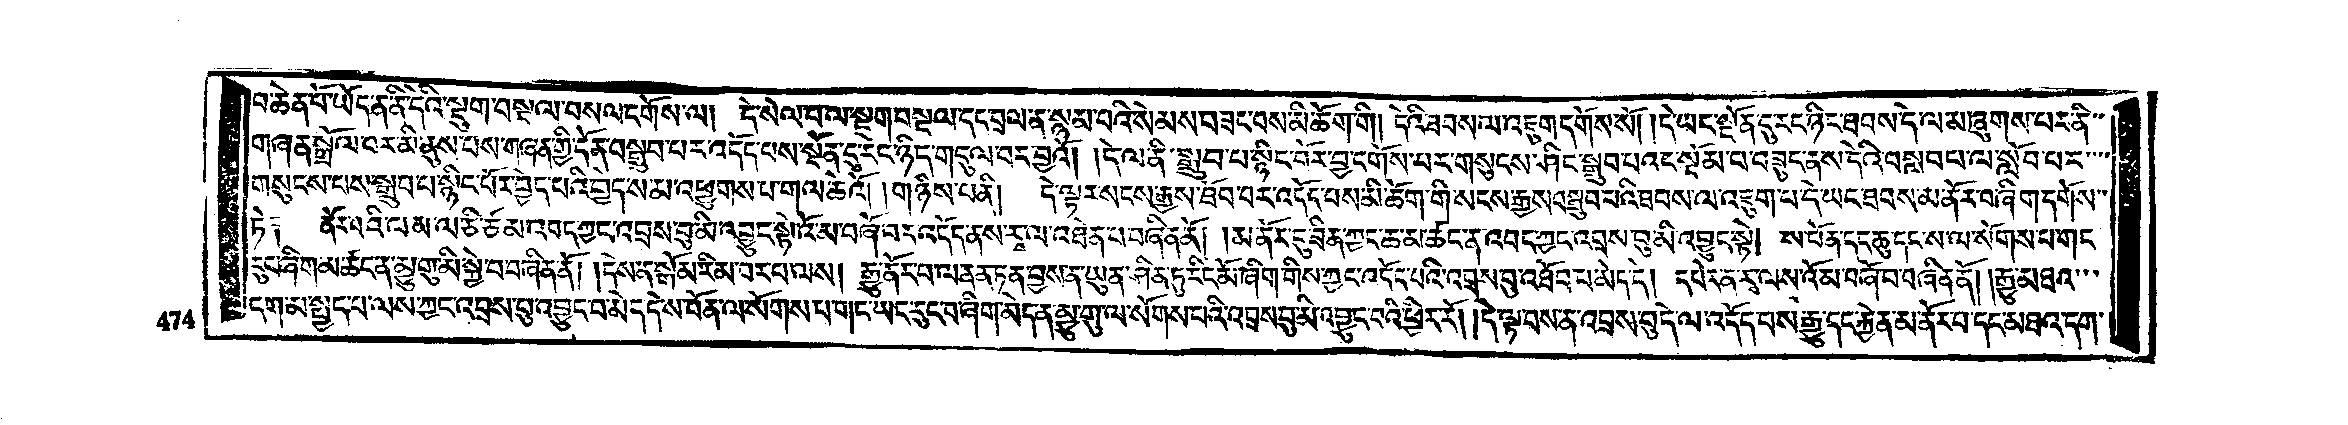བ་ཆེན་པོ་ཡོད་ན་ནི་དེའི་སྡུག་བསྔལ་བསལ་དགོས་ལ། དེ་སེལ་བ་ལ་སྡུག་བསྔལ་དང་བྲལ་ན་སྙམ་པའི་སེམས་བཟང་བས་མི་ཆོག་གི། དེའི་ཐབས་ལ་འཇུག་དགོས་སོ། །དེ་ཡང་སྔོན་དུ་རང་ཉིད་ཐབས་དེ་ལ་མ་ཞུགས་པར་ནི་
གཞན་སྒྲོལ་བར་མི་ནུས་པས་གཞན་གྱི་དོན་བསྒྲུབ་པར་འདོད་པས་སྔོན་དུ་རང་ཉིད་གདུལ་བར་བྱའོ། །དེ་ལ་ནི་སྒྲུབ་པ་སྙིང་པོར་བྱ་དགོས་པར་གསུངས་ཤིང་སྒྲུབ་པའང་སྡོམ་པ་བཟུང་ནས་དེའི་བསླབ་པ་ལ་སློབ་པར་
གསུངས་པས་སྒྲུབ་པ་སྙིང་པོར་བྱེད་པའི་བྱེད་ས་མ་འཕྱུགས་པ་གལ་ཆེའོ། །གཉིས་པ་ནི། དེ་ལྟར་སངས་རྒྱས་ཐོབ་པར་འདོད་པས་མི་ཆོག་གི་སངས་རྒྱས་བསྒྲུབ་པའི་ཐབས་ལ་འཇུག་པ་དེ་ཡང་ཐབས་མ་ནོར་བ་ཞིག་དགོས་
ཏེ༑ ནོར་བའི་ལམ་ལ་ཅི་ཙམ་འབད་ཀྱང་འབྲས་བུ་མི་འབྱུང་སྟེ་འོ་མ་བཞོ་བར་འདོད་ནས་རྭ་ལ་འཐེན་པ་བཞིན་ནོ། །མ་ནོར་དུ་ཟིན་ཀྱང་ཆ་མ་ཚང་ན་འབད་ཀྱང་འབྲས་བུ་མི་འབྱུང་སྟེ། ས་བོན་དང་ཆུ་དང་ས་ལ་སོགས་པ་གང་
རུང་ཞིག་མ་ཚང་ན་མྱུ་གུ་མི་སྐྱེ་བ་བཞིན་ནོ། །དེས་ན་སྒོམ་རིམ་པར་པ་ལས། རྒྱུ་ནོར་བ་ལ་ནན་ཏན་བྱས་ན་ཡུན་ཤིན་ཏུ་རིང་མོ་ཞིག་གིས་ཀྱང་འདོད་པའི་འབྲས་བུ་འཐོབ་པ་མེད་དེ། དཔེར་ན་རྭ་ལས་འོ་མ་བཞོ་བ་བཞིན་ནོ། །རྒྱུ་མཐའ་
དག་མ་སྤྱད་པ་ལས་ཀྱང་འབྲས་བུ་འབྱུང་བ་མེད་དེ་ས་བོན་ལ་སོགས་པ་གང་ཡང་རུང་བ་ཞིག་མེད་ན་མྱུ་གུ་ལ་སོགས་པའི་འབྲས་བུ་མི་འབྱུང་བའི་ཕྱིར་རོ། །དེ་ལྟ་བས་ན་འབྲས་བུ་དེ་ལ་འདོད་པས་རྒྱུ་དང་རྐྱེན་མ་ནོར་བ་དང་མཐའ་དག་